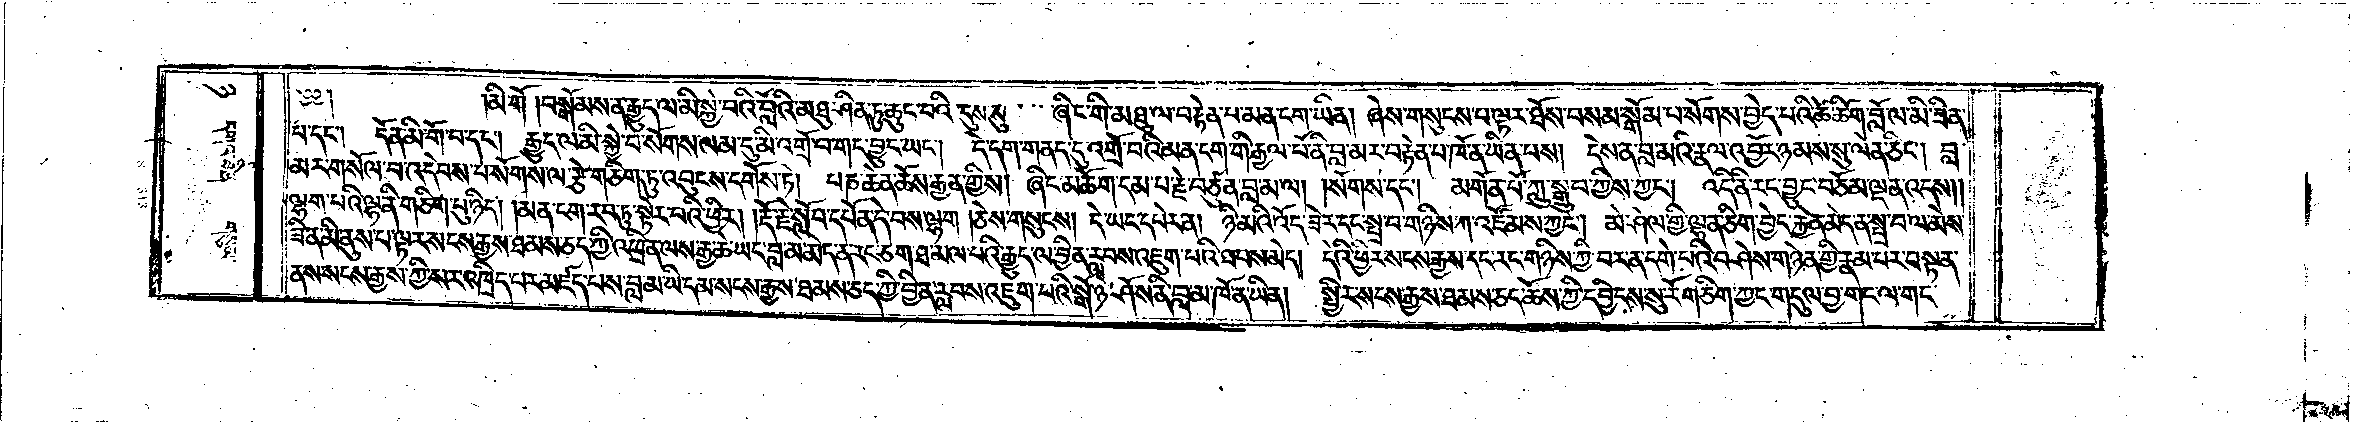༄༅། །མི་གོ །བསྒོམས་ན་རྒྱུད་ལ་མི་སྐྱེ་བའི་བློའི་མཐུ་ཤིན་ཏུ་ཆུང་བའི་དུས་སུ་ཞིང་གི་མཐུ་ལ་བརྟེན་པ་མན་ངག་ཡིན། ཞེས་གསུངས་པ་ལྟར་ཐོས་བསམ་སྒོམ་པ་སོགས་བྱེད་པའི་ཚེ་ཚིག་བློ་ལ་མི་ཟིན་
པ་དང་། དོན་མི་གོ་བ་དང་། རྒྱུད་ལ་མི་སྐྱེ་བ་སོགས་ལམ་དུ་མི་འགྲོ་བ་གང་བྱུང་ཡང་། དེ་དག་གནད་དུ་འགྲོ་བའི་མན་ངག་གི་རྒྱལ་པོ་ནི་བླ་མར་བརྟེན་པ་ཁོ་ན་ཡིན་པས། དེས་ན་བླ་མའི་རྣལ་འབྱོར་ཉམས་སུ་ལེན་ཅིང་། བླ་
མར་གསོལ་བ་འདེབས་པ་སོགས་ལ་རྩེ་གཅིག་ཏུ་འབུངས་དགོས་ཏེ། པཎ་ཆེན་ཆོས་རྒྱན་གྱིས། ཞིང་མཆོག་དམ་པ་རྗེ་བཙུན་བླ་མ་ལ། །སོགས་དང་། མགོན་པོ་ཀླུ་སྒྲུབ་ཀྱིས་ཀྱང་། འདི་ནི་རང་བྱུང་བཅོམ་ལྡན་འདས། །
ལྷག་པའི་ལྷ་ནི་གཅིག་པུ་ཉིད། །མན་ངག་རབ་ཏུ་སྟེར་བའི་ཕྱིར། །རྡོ་རྗེ་སློབ་དཔོན་དེ་བས་ལྷག །ཅེས་གསུངས། དེ་ཡང་དཔེར་ན། ཉི་མའི་འོད་ཟེར་དང་སྤྲ་བ་གཉིས་ཀ་འཛོམས་ཀྱང་། མེ་ཤེལ་གྱི་ལྷན་ཅིག་བྱེད་རྐྱེན་མེད་ན་སྤྲ་བ་ལ་མེས་
ཟིན་མི་ནུས་པ་ལྟར་སངས་རྒྱས་ཐམས་ཅད་ཀྱི་འཕྲིན་ལས་རྒྱ་ཆེ་ཡང་བླ་མ་མེད་ན་རང་ཅག་ཐ་མལ་པའི་རྒྱུད་ལ་བྱིན་རླབས་འཇུག་པའི་ཐབས་མེད། དེའི་ཕྱིར་སངས་རྒྱས་དང་རང་གཉིས་ཀྱི་བར་ན་དགེ་བའི་བཤེས་གཉེན་གྱི་རྣམ་པར་བསྟན་
ནས་སངས་རྒྱས་ཀྱི་སར་འཁྲིད་པར་མཛད་པས་བླ་མ་ཡི་དམ་སངས་རྒྱས་ཐམས་ཅད་ཀྱི་བྱིན་རླབས་འཇུག་པའི་སྒོ་ཉི་ཤོས་ནི་བླ་མ་ཁོ་ན་ཡིན། སྤྱིར་སངས་རྒྱས་ཐམས་ཅད་ཆོས་ཀྱི་དབྱིངས་སུ་རོ་གཅིག་ཀྱང་གདུལ་བྱ་གང་ལ་གང་